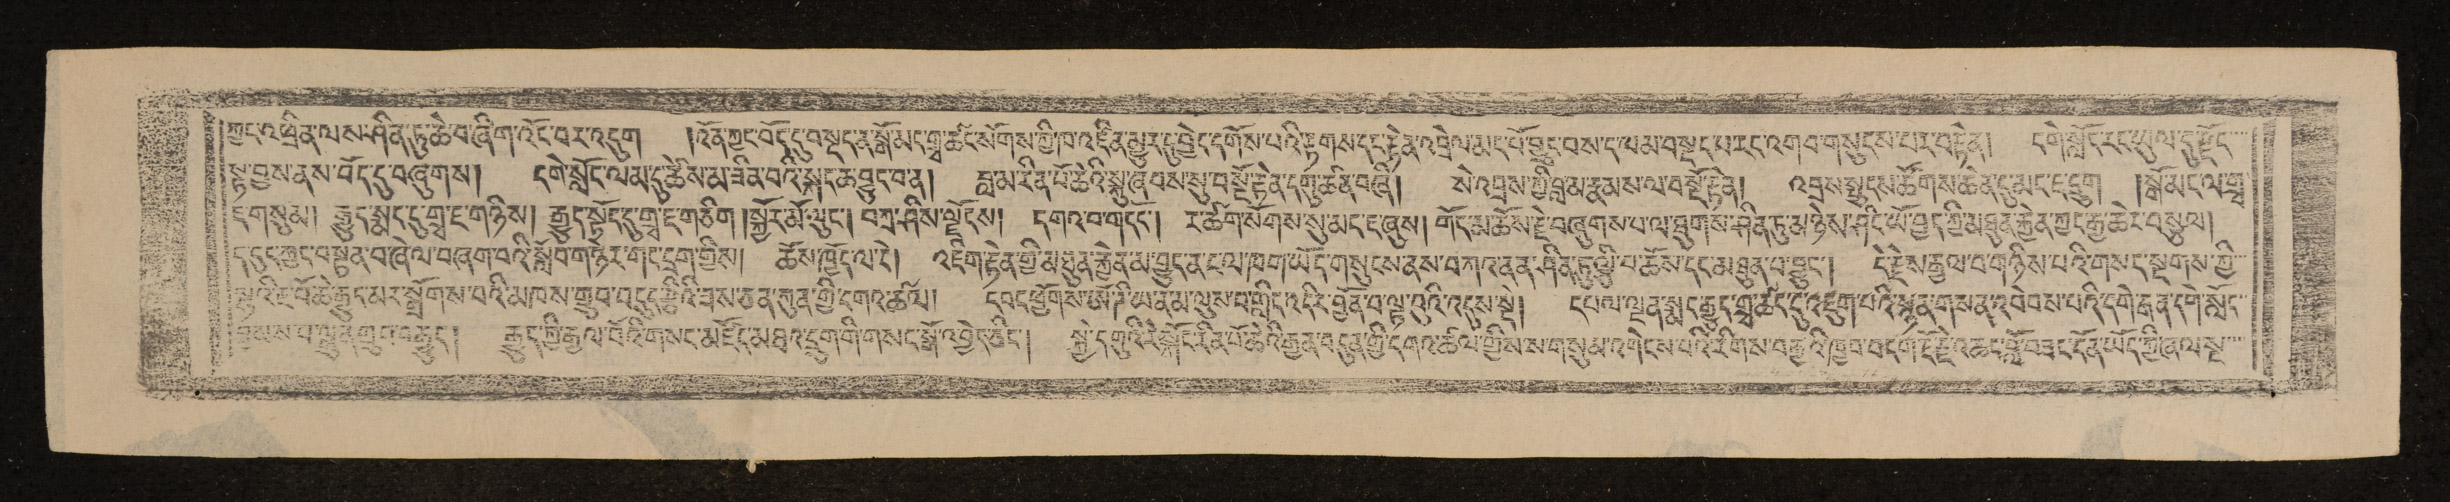ཀྱང་འཕྲིན་ལས་ཤིན་ཏུ་ཆེ་བ་ཞིག་འོང་བར་འདུག །འོན་ཀྱང་བོད་དུ་བསྡད་ན་སྒོ་མང་གྲྭ་ཚང་སོགས་ཀྱི་ཁ་འཛིན་མྱུར་དུ་བྱེད་དགོས་པའི་རྟགས་དང་རྟེན་འབྲེལ་མང་པོ་བྱུང་པས་ད་ལམ་བསྡད་པ་རང་འགབ་གསུངས་པར་བརྟེན། དགེ་སློང་རང་ཡུལ་དུ་རྫོང་
སྟ་བྱས་ནས་བོད་དུ་བཞུགས། དགེ་སློང་ལམ་དུ་ཚེས་མ་ཟིན་པའི་སྐད་ཆ་བྱུང་བ་ན། བླ་མ་རིན་པོ་ཆེའི་སྐུ་ཞབས་སུ་བསྔོ་རྟེན་དགུ་ཚན་བཞི། སེ་འབྲས་ཀྱི་བླ་མ་རྣམས་ལ་བསྔོ་རྟེན། འབྲས་སྤུངས་ཚོགས་ཆེན་དུ་མང་ཇ་དྲུག །སྒོ་མང་ལ་གྲྭ་
ཇ་གསུམ། རྒྱུད་སྨད་དུ་གྲྭ་ཇ་གཉིས། རྒྱུད་སྟོད་དུ་གྲྭ་ཇ་གཅིག །སྐྱོར་མོ་ལུང་། བཀྲ་ཤིས་ལྗོངས། དགའ་ང་གདོང་། ར་ཚག་སོགས་སུ་མང་ཇ་ཞུས། གོང་མ་ཆོས་རྗེ་བཞུགས་པ་ལ་ཐུགས་ཤིན་ཏུ་མཉེས་ཤིང་ཡོ་བྱད་ཀྱི་མཐུན་རྐྱེན་ཀྱང་རྒྱ་ཆེར་བསྩལ།
ད་དུང་ཀྱང་བསྟན་པ་ཞེལ་བཞག་པའི་སློབ་གཉེར་གང་དྲག་གྱིས། ཆོས་ཁྱོད་ལ་རེ། འཇིག་རྟེན་གྱི་མཐུན་རྐྱེན་མ་བྱུང་ན་ང་ལ་ཁག་ཡོད་གསུངས་ནས་བཀའ་ནན་ཤིན་ཏུ་ལྕི་བ་ཆོས་དང་མཐུན་པ་བྱུང་། དེ་རྗེས་རྒྱལ་བ་གཉིས་པའི་གསང་སྔགས་ཀྱི་
ལྷའི་རྔ་བོ་ཆེ་རྒྱུད་མར་སྒྲོགས་པའི་མཁས་གྲུབ་བདུད་རྩིའི་ཟས་ཅན་ཀུན་གྱི་དགའ་ཚལ། དབང་ཕྱོགས་ཨོ་ཌི་ཡ་ན་མ་ལུས་པ་གླིང་འདིར་བྱོན་པ་ལྟ་བུའི་འདུས་སྡེ། དཔལ་ལྡན་སྨད་རྒྱུད་གྲྭ་ཚང་དུ་འཇུག་པའི་སྙན་གསན་འབེབས་པའི་དགེ་རྒན་དགེ་སློང་
བྱམས་པ་ལྷུན་གྲུབ་བརྒྱུད། རྒྱུད་ཀྱི་རྒྱལ་པོའི་གསང་མཛོད་མཐའ་དྲུག་གི་གསང་སྒོ་འབྱེད་ཅིང་། སྐྱེ་དགུའི་རེ་སྐོང་རིན་པོ་ཆེའི་རྒྱན་བདུན་གྱི་དགའ་ཚལ་གྱིས་ས་གསུམ་འགེངས་པའི་རིགས་བརྒྱའི་ཁྱབ་བདག་རྡོ་རྗེ་འཆང་བློ་བཟང་དོན་ཡོད་ཀྱི་ཞལ་སྔ་